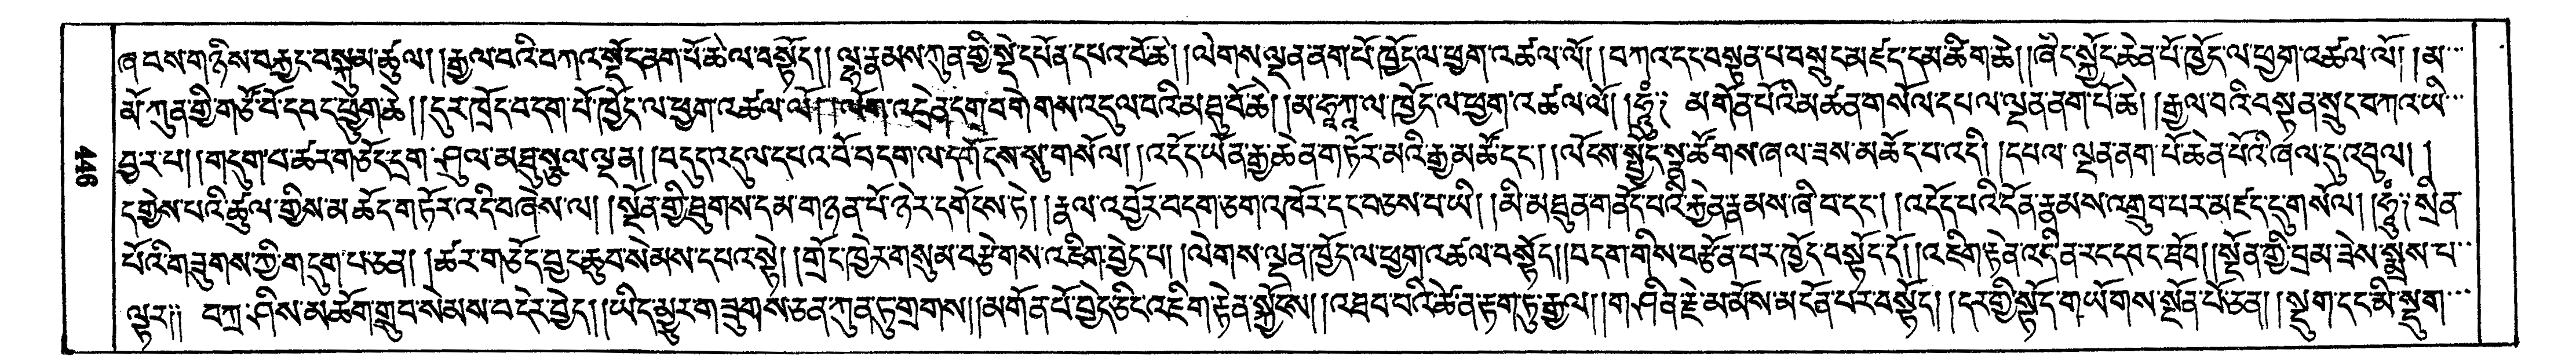ཞབས་གཉིས་བརྐྱང་བསྐུམ་ཚུལ། །རྒྱལ་བའི་བཀའ་སྔོད་ནག་པོ་ཆེ་ལ་བསྟོད། །ལྷ་རྣམས་ཀུན་གྱི་སྡེ་དཔོན་དཔའ་བོ་ཆེ། །ལེགས་ལྡན་ནག་པོ་ཁྱོད་ལ་ཕྱག་འཚལ་ལོ། །བཀའ་དང་བསྟན་པ་བསྲུང་མཛད་དམ་ཚིག་ཆེ། །ཞིང་སྐྱོང་ཆེན་པོ་ཁྱོད་ལ་ཕྱག་འཚལ་ལོ། །མ་
མོ་ཀུན་གྱི་གཙོ་བོ་དབང་ཕྱུག་ཆེ། །དུར་ཁྲོད་བདག་པོ་ཁྱོད་ལ་ཕྱག་འཚལ་ལོ། །ལོག་འདྲེན་དགྲ་བགེགས་འདུལ་བའི་མཐུ་བོ་ཆེ། །མཏཱཀཱ་ལ་ཁྱོད་ལ་ཕྱག་འཚལ་ལོ། །ཧཱུཾ༑ མགོན་པོའི་མཚན་གསོལ་དཔལ་ལྡན་ནག་པོ་ཆེ། །རྒྱལ་བའི་བསྟན་སྲུང་བཀའ་ཡི་
བྱར་བ། །གདུག་པ་ཚར་གཅོད་དྲག་ཤུལ་མཐུ་སྩལ་ལྡན། །བདུད་འདུལ་དཔའ་བོ་བདག་ལ་དགོངས་སུ་གསོལ། །འདོད་ཡོན་རྒྱ་ཆེན་གཏོར་མའི་རྒྱ་མཚོ་དང་། །ལོངས་སྤྱོད་སྣ་ཚོགས་ཞལ་ཟས་མཆོད་པ་འདི། །དཔལ་ལྡན་ནག་པོ་ཆེན་པོའི་ཞལ་དུ་འབུལ། །
དགྱེས་པའི་ཚུལ་གྱིས་མཆོད་གཏོར་འདི་བཞེས་ལ། །སྔོན་གྱི་ཐུགས་དམ་གཉན་པོ་ཉེར་དགོངས་ཏེ། །རྣལ་འབྱོར་བདག་ཅག་འཁོར་དང་བཅས་པ་ཡི། །མི་མཐུན་གནོད་པའི་རྐྱེན་རྣམས་ཞི་བ་དང་། །འདོད་པའི་དོན་རྣམས་འགྲུབ་པར་མཛད་དུ་གསོལ། །ཧཱུཾ༑ སྲིན་
པོའི་གཟུགས་ཀྱི་གདུག་པ་ཅན། །ཚར་གཅོད་བྱང་ཆུབ་སེམས་དཔའ་སྟེ། །གྲོང་ཁྱེར་གསུམ་བརྩེགས་འཇིག་བྱེད་པ། །ལེགས་ལྡན་ཁྱོད་ལ་ཕྱག་འཚལ་བསྟོད། །བདག་གིས་བརྩོན་པར་ཁྱོད་བསྟོད་དོ། །འཇིག་རྟེན་འདི་ན་རང་དབང་ཐོབ། །སྔོན་གྱི་བྲམ་ཟེས་སྨྲས་པ་
ལྟར༑ བཀྲ་ཤིས་མཆོག་གྲུབ་སེམས་བདེར་བྱེད། །ཡིད་མྱུར་གཟུགས་ཅན་ཀུན་ཏུ་གྲགས། །མགོན་པོ་བྱེད་ཅིང་འཇིག་རྟེན་སྐྱོངས། །འཐབ་པའི་ཚེན་རྟག་ཏུ་རྒྱལ། །གཤིན་རྗེ་མ་མོས་མངོན་པར་བསྟོད། །དར་གྱི་སྟོད་གཡོགས་སྔོན་པོ་ཅན། །སྡུག་དང་མི་སྡུག་